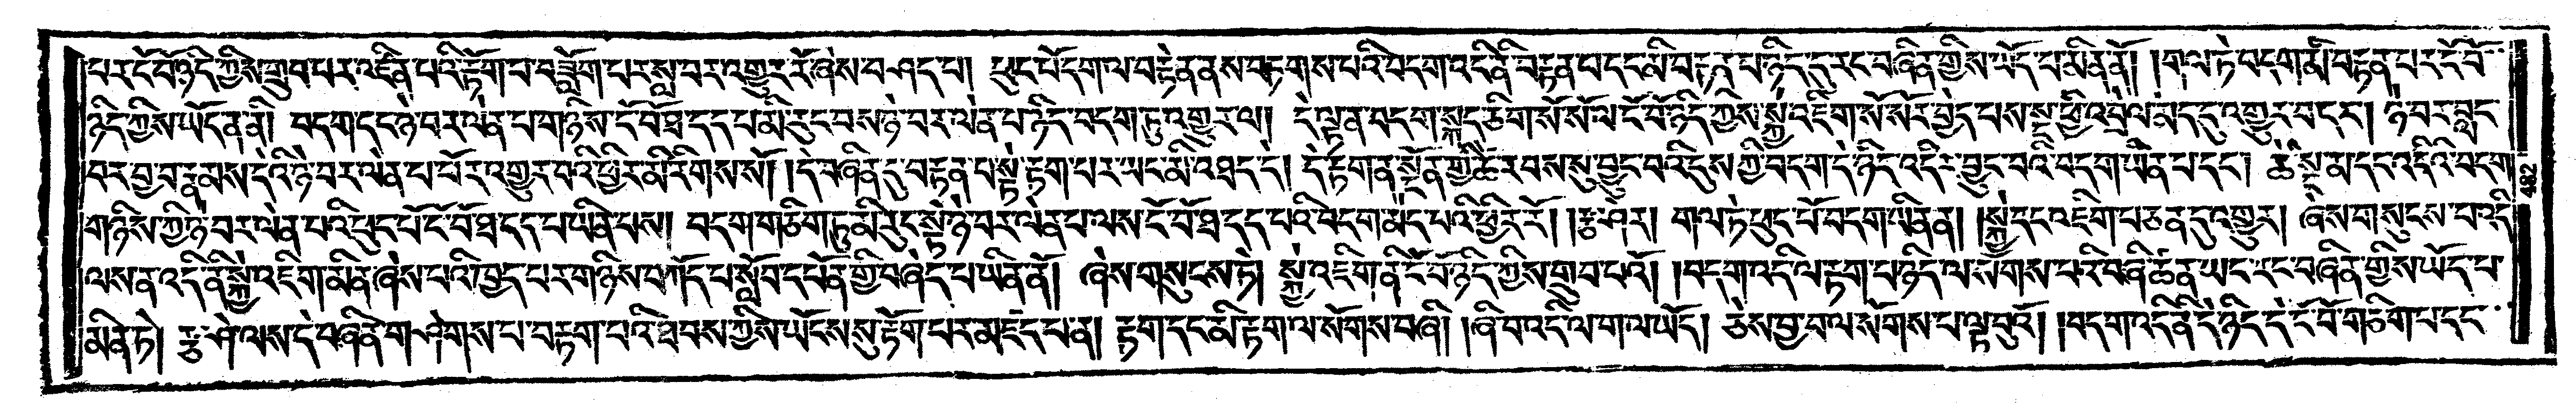པར་ངོ་བོ་ཉིད་ཀྱིས་གྲུབ་པར་འཛིན་པའི་རྟོག་པ་བཟློག་པར་སླ་བར་འགྱུར་རོ་ཞེས་བཤད་པ། ཕུང་པོ་དག་ལ་བརྟེན་ནས་བཏགས་པའི་བདག་འདི་ནི་བརྟན་པ་དང་མི་བརྟན་པ་ཉིད་དུ་རང་བཞིན་གྱིས་ཡོད་པ་མིན་ནོ། །གལ་ཏེ་བདག་མི་བརྟན་པར་ངོ་བོ་
ཉིད་ཀྱིས་ཡོད་ན་ནི། བདག་དང་ཉེ་བར་ལེན་པ་གཉིས་ངོ་བོ་ཐ་དད་པ་མི་རུང་བས་ཉེ་བར་ལེན་པ་ཉིད་བདག་ཏུ་འགྱུར་ལ། དེ་ལྟ་ན་བདག་སྐད་ཅིག་སོ་སོ་ལ་ངོ་བོ་ཉིད་ཀྱིས་སྐྱེ་འཇིག་སོ་སོར་བྱེད་པས་སྔ་ཕྱི་འབྲེལ་མེད་དུ་འགྱུར་བ་དང་། ཉེ་བར་བླང་
བར་བྱ་བ་རྣམས་དེའི་ཉེ་བར་ལེན་པ་པོར་འགྱུར་བའི་ཕྱིར་མི་རིགས་སོ། །དེ་བཞིན་དུ་བརྟན་པ་སྟེ་རྟག་པར་ཡང་མི་འཐད་དེ། དེ་རྟག་ན་སྔོན་གྱི་ཚེ་རབས་སུ་བྱུང་བའི་དུས་ཀྱི་བདག་དེ་ཉིད་འདིར་བྱུང་བའི་བདག་ཡིན་པ་དང་། ཚེ་སྔ་མ་དང་འདིའི་བདག་
གཉིས་ཀྱི་ཉེ་བར་ལེན་པའི་ཕུང་པོ་ངོ་བོ་ཐ་དད་པ་ཡིན་པས། བདག་གཅིག་ཏུ་མི་རུང་སྟེ་ཉེ་བར་ལེན་པ་ལས་ངོ་བོ་ཐ་དད་པའི་བདག་མེད་པའི་ཕྱིར་རོ། །རྩ་ཤེར། གལ་ཏེ་ཕུང་པོ་བདག་ཡིན་ན། །སྐྱེ་དང་འཇིག་པ་ཅན་དུ་འགྱུར། ཞེས་གསུངས་པ་འདི་
ལས་ན་འདི་ནི་སྐྱེ་འཇིག་མིན་ཞེས་པའི་ཁྱད་པར་གཉིས་བཀོད་པ་སློབ་དཔོན་གྱི་བཞེད་པ་ཡིན་ནོ། ཞེས་གསུངས་ཏེ། སྐྱེ་འཇིག་ནི་ངོ་བོ་ཉིད་ཀྱིས་གྲུབ་པའོ། །བདག་འདི་ལ་རྟག་པ་ཉིད་ལ་སོགས་པའི་བཞི་ཚན་ཡང་རང་བཞིན་གྱིས་ཡོད་པ་
མིན་ཏེ། རྩ་ཤེ་ལས་དེ་བཞིན་གཤེགས་པ་བརྟག་པའི་ཐབས་ཀྱིས་ཡོངས་སུ་རྟོག་པར་མཛད་པ་ན། རྟག་དང་མི་རྟག་ལ་སོགས་བཞི། །ཞི་བ་འདི་ལ་ག་ལ་ཡོད། ཅེས་བྱ་བ་ལ་སོགས་པ་ལྟ་བུའོ། །བདག་འདི་ནི་དེ་ཉིད་དེ་ངོ་བོ་གཅིག་པ་དང་